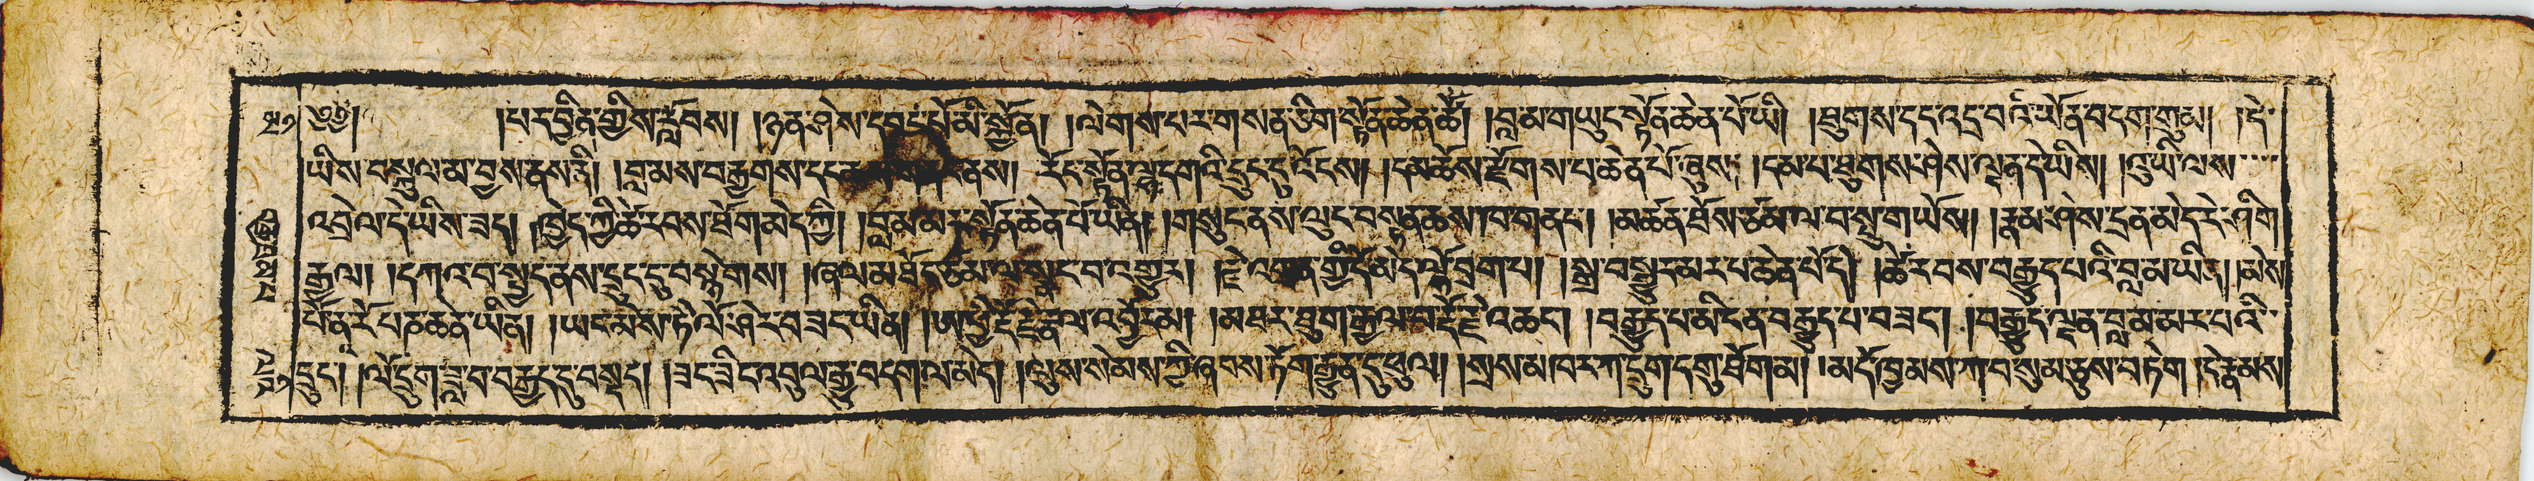པར་བྱིན་གྱིས་རླབས། །ཉན་ཤེས་དབང་པོ་མི་སྐྱོན། །ལེགས་པར་གསན་ཅིག་སྟོན་ཆེན་ཚོ། །བླ་མ་གཡུང་སྟོན་ཆེན་པོ་ཡི། །ཐུགས་དང་འདྲ་བའི་ཡོན་བདག་གུམ། །དེ་
ཡིས་བསྐུལ་མ་བྱས་ནས་ནི། །བླ་མས་བརྒྱགས་དང་ཆས་པ་ནས། རོང་སྟོན་ལྷ་དགའི་དྲུང་དུ་འོངས། །དམ་ཆོས་རྫོགས་པ་ཆེན་པོ་ཞུས། །དམ་པ་ཐུགས་ཤེས་ལྡན་དེ་ཡིས། །འུ་ཡི་ལས་
འབྲེལ་དེ་ཡིས་ཟད། །ཁྱེད་ཀྱི་ཚེ་རབས་ཐོག་མེད་ཀྱི། །བླ་མ་མར་སྟོན་ཆེན་པོ་ཡིན། །གསུང་ནས་ལུང་བསྟན་ཆས་ཁ་གནང་། །མཚན་ཐོས་ཙམ་ལ་བ་སྤུ་གཡོས། །རྣམ་ཤེས་དྲན་མེད་རེ་ཞིག་
རྒྱལ། །དཀའ་བ་སྤྱད་ནས་དྲུང་དུ་བསྙེགས། །ཞལ་མཐོང་ཙམ་ལ་སྣང་བ་འགྱུར། །རྗེ་འགན་གྱི་དོ་མེད་ལྷོ་བྲག་པ། །སྒྲ་བསྒྱུར་མར་པ་ཆེན་པོ་དེ། །ཚེ་རབས་བརྒྱད་པའི་བླ་མ་ཡིན། །མེས་
པོ་ན་རོ་པཎ་ཆེན་ཡིན། །ཡང་མེས་ཏེ་ལོ་ཤར་བཟང་ཡིན། །ཨ་ཕྱི་རྡོ་རྗེ་རྣལ་འབྱོར་མ། །མཐར་ཐུག་རྒྱལ་བ་རྡོ་རྗེ་འཆང་། །བརྒྱུད་པ་མ་ངན་བརྒྱུད་པ་བཟང། །བརྒྱུད་ལྡན་བླ་མ་མར་པའི་
དྲུང་། །ལོ་དྲུག་ཟླ་བ་བརྒྱད་དུ་བསྡད། །ཟང་ཟིང་འབུལ་རྒྱུ་བདག་ལ་མེད། །ལུས་སེམས་ཀྱི་ཞབས་ཏོག་རྒྱུན་དུ་ཕུལ། །སྲས་མཁར་ཀ་དྲུག་དགུ་ཐོག་མ། མདོ་ཁྱམས་ཀ་བ་སུམ་ཅུས་བཏེག །དེ་རྣམས་